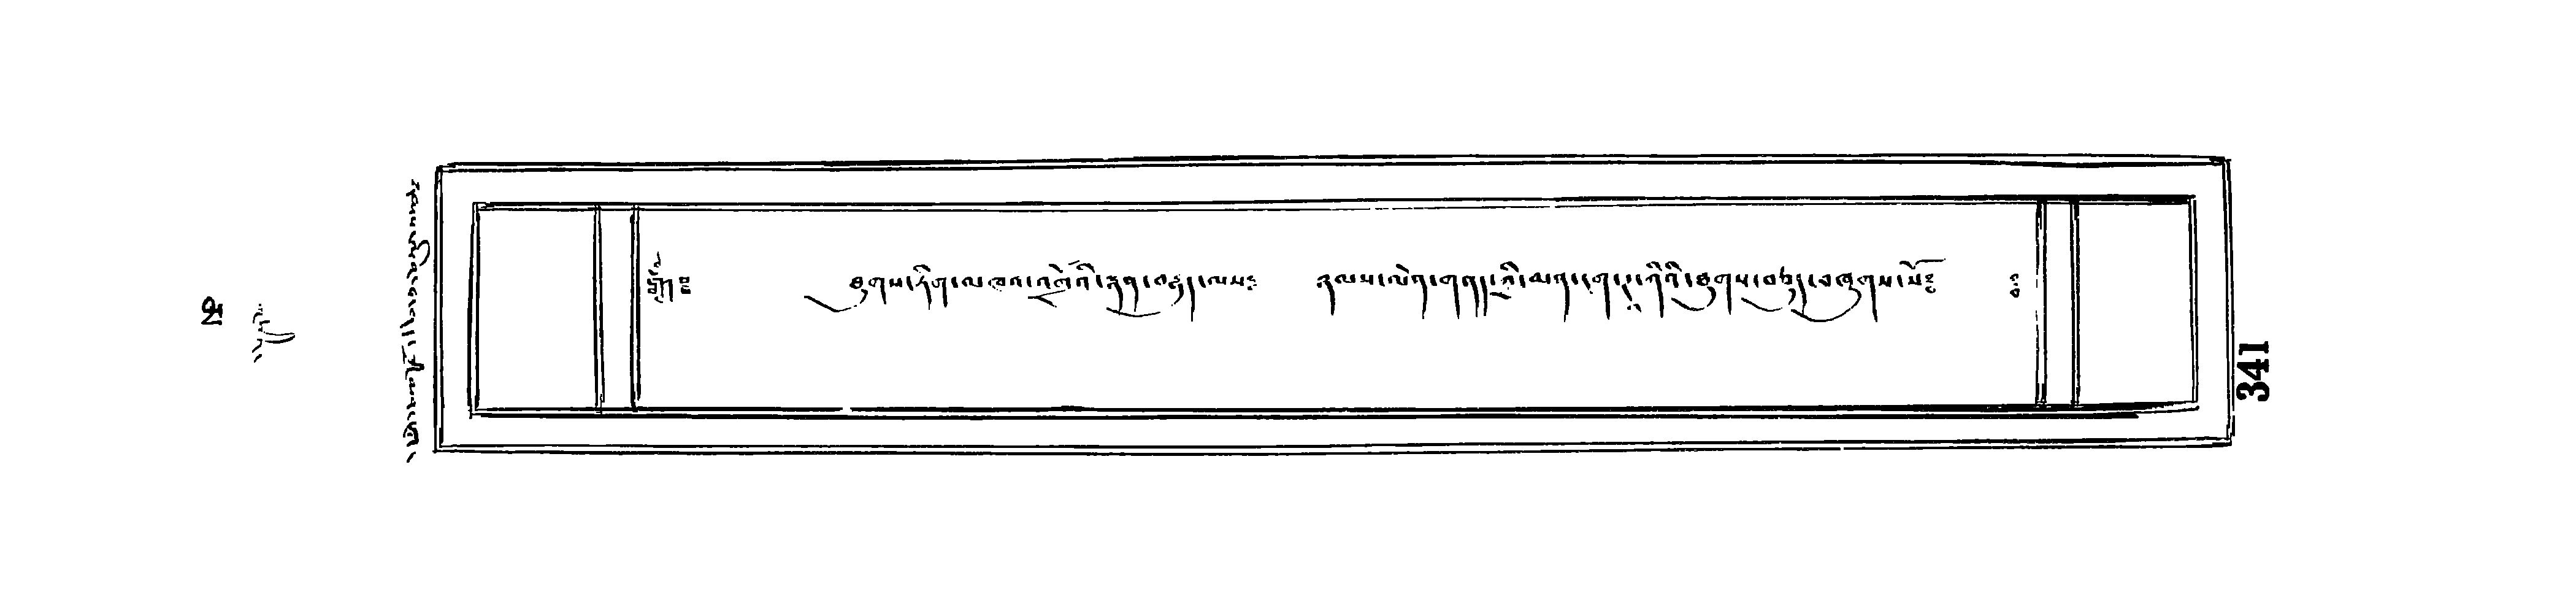ཐུགས་ཏིག་མཁའ་འགྲོའི་སྙན་བརྒྱུད་ལས༔ ཉམས་ལེན་གནད་ཀྱི་མན་ངག་ཌཱ་ཀིའི་ཐུགས་བཅུད་བཞུགས་སོ༔